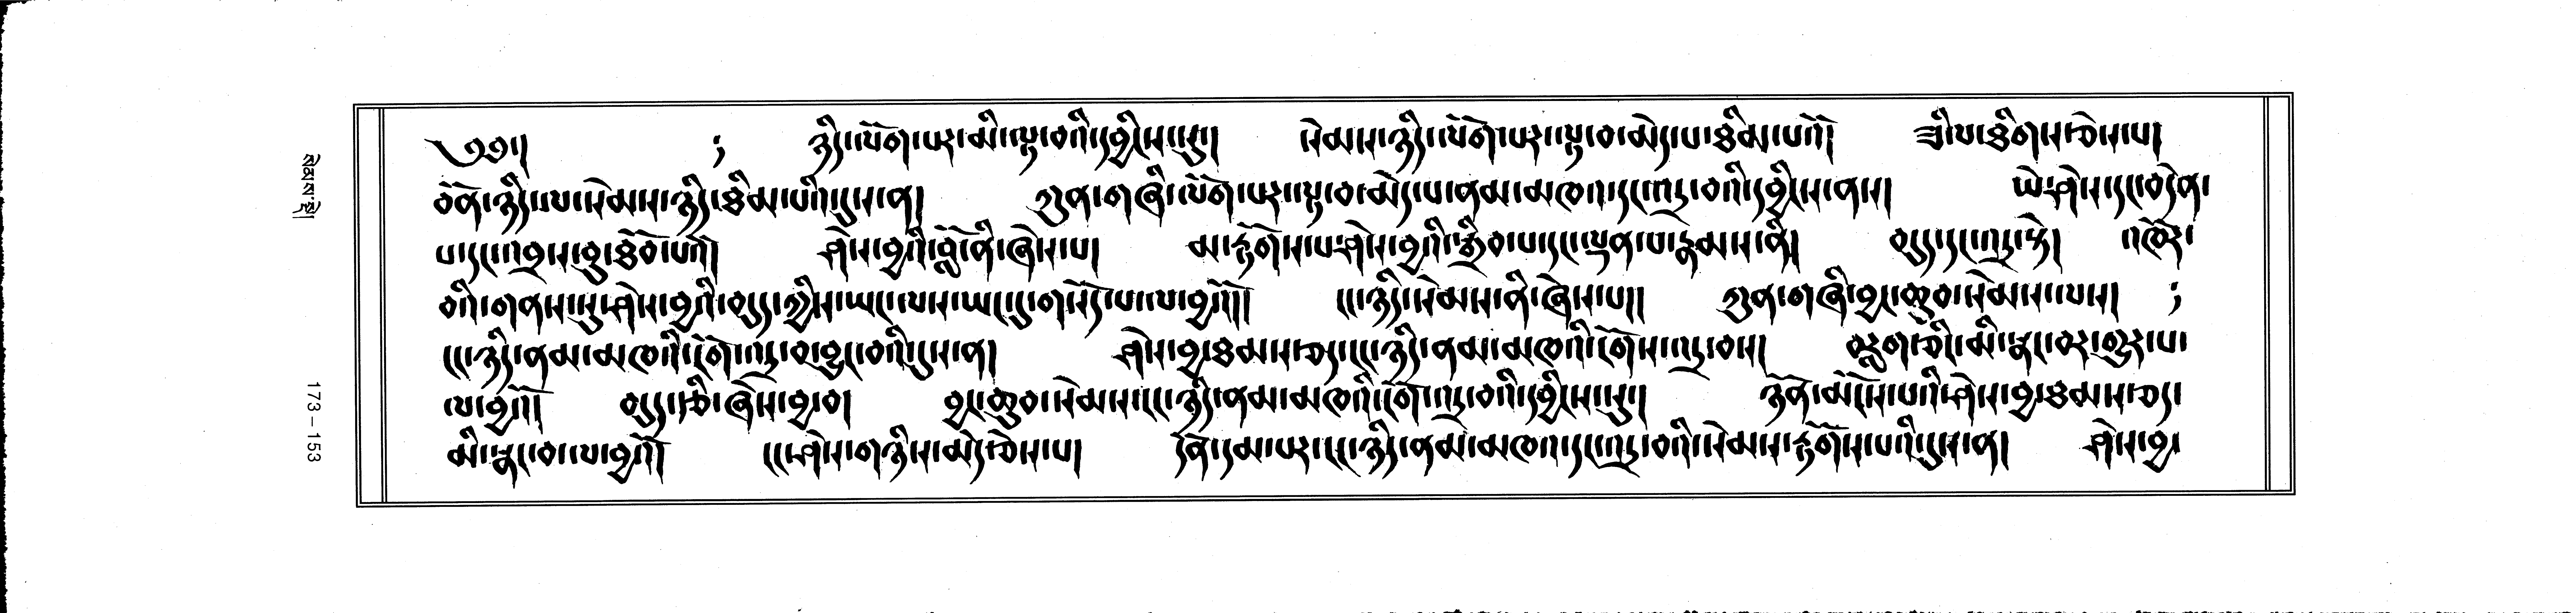ཉིད་ལོག་པར་མི་ལྟ་བའི་དབྱིངས་སུ། སེམས་ཉིད་ལོག་པར་ལྟ་བ་མེད་པ་ཐིམ་པའོ། །ཟིལ་ཐིགས་ཅེས་པ། 
བོན་ཉིད་ལ་སེམས་ཉིད་ཐིམ་པའི་དུས་ན། ཀུན་གཞི་ལོག་པར་ལྟ་བ་མེད་པ་ནམ་མཁའ་དང་འདྲ་བའི་དབྱིངས་ན། ཡེ་ཤེས་དང་བདེན་
པ་༼དགོངས་པ༽དང་འབྲས་བུ་ཐོབ་པའོ། །ཤེས་བྱའི་བློ་ནི་ཞེས་པ། མ་རྟོགས་པ་ཤེས་བྱའི་སྒྲིབ་པ་དང་ལྡན་པ་རྣམས་ནི་བདུད་དང་འདྲ་སྟེ། འཁོར་
བའི་གནས་སུ་ཤེས་བྱའི་བདུད་ཀྱིས་ཡང་ནས་ཡང་དུ་གསོད་པ་ལ་བྱའོ། །ངང་ཉིད་སེམས་ནི་ཞེས་པ། ཀུན་གཞི་བྱང་ཆུབ་ཀྱི་སེམས་ལས། 
ངང་ཉིད་ནམ་མཁའི་ངོགས་འདྲ་བ་བྱུང་བའི་དུས་ན། ཤེས་བྱ་ཐམས་ཅད་ངང་ཉིད་ནམ་མཁའི་ངོགས་འདྲ་བས་བརླག་ཅིང་མི་སྣང་བར་གྱུར་པ་
ལ་བྱའོ། །བདུད་རྩི་ཞེས་བྱ་བ། བྱང་ཆུབ་ཀྱི་སེམས་ངང་ཉིད་ནམ་མཁའི་ངོགས་འདྲ་བའི་དབྱིངས་སུ། ཉོན་མོངས་པའི་ཤེས་བྱ་ཐམས་ཅད་
མི་སྣང་བ་ལ་བྱའོ། །ངང་ཤེས་གཉིས་མེད་ཅེས་པ་དོན་དམ་པར་ངང་ཉིད་ནམ་མཁའ་དང་འདྲ་བའི་སེམས་རྟོགས་པའི་དུས་ན། ཤེས་བྱ་དང་